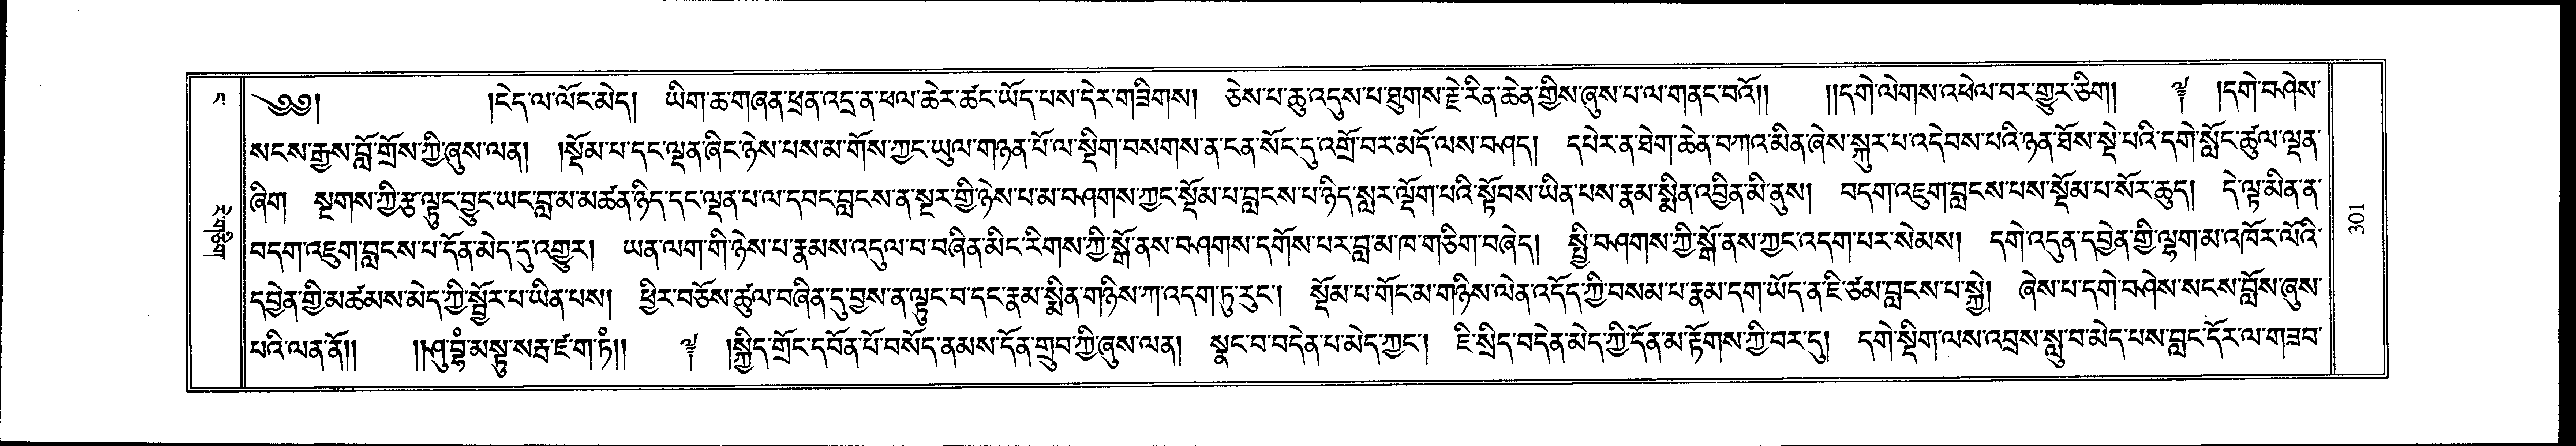༄༅། །ངེད་ལ་ལོང་མེད། ཡིག་ཆ་གཞན་ཕྲན་འདྲ་ན་ཕལ་ཆེར་ཚང་ཡོད་པས་དེར་གཟིགས། ཅེས་པ་ཆུ་འདུས་པ་ཐུགས་རྗེ་རིན་ཆེན་གྱིས་ཞུས་པ་ལ་གནང་བའོ།། །།དགེ་ལེགས་འཕེལ་བར་གྱུར་ཅིག། ༈ །དགེ་བཤེས་
སངས་རྒྱས་བློ་གྲོས་ཀྱི་ཞུས་ལན། །སྡོམ་པ་དང་ལྡན་ཞིང་ཉེས་པས་མ་གོས་ཀྱང་ཡུལ་གཉན་པོ་ལ་སྡིག་བསགས་ན་ངན་སོང་དུ་འགྲོ་བར་མདོ་ལས་བཤད། དཔེར་ན་ཐེག་ཆེན་བཀའ་མིན་ཞེས་སྐུར་པ་འདེབས་པའི་ཉན་ཐོས་སྡེ་པའི་དགེ་སློང་ཚུལ་ལྡན་
ཞིག་སྔགས་ཀྱི་རྩ་ལྟུང་བྱུང་ཡང་བླ་མ་མཚན་ཉིད་དང་ལྡན་པ་ལ་དབང་བླངས་ན་སྔར་གྱི་ཉེས་པ་མ་བཤགས་ཀྱང་སྡོམ་པ་བླངས་པ་ཉིད་སླར་ལྡོག་པའི་སྟོབས་ཡིན་པས་རྣམ་སྨིན་འབྱིན་མི་ནུས། བདག་འཇུག་བླངས་པས་སྡོམ་པ་སོར་ཆུད། དེ་ལྟ་མིན་ན་
བདག་འཇུག་བླངས་པ་དོན་མེད་དུ་འགྱུར། ཡན་ལག་གི་ཉེས་པ་རྣམས་འདུལ་བ་བཞིན་མིང་རིགས་ཀྱི་སྒོ་ནས་བཤགས་དགོས་པར་བླ་མ་ཁ་གཅིག་བཞེད། སྤྱི་བཤགས་ཀྱི་སྒོ་ནས་ཀྱང་འདག་པར་སེམས། དགེ་འདུན་དབྱེན་གྱི་ལྷག་མ་འཁོར་ལོའི་
དབྱེན་གྱི་མཚམས་མེད་ཀྱི་སྦྱོར་པ་ཡིན་པས། ཕྱིར་བཅོས་ཚུལ་བཞིན་དུ་བྱས་ན་ལྟུང་བ་དང་རྣམ་སྨིན་གཉིས་ཀ་འདག་ཏུ་རུང་། སྡོམ་པ་གོང་མ་གཉིས་ལེན་འདོད་ཀྱི་བསམ་པ་རྣམ་དག་ཡོད་ན་ཇི་ཙམ་བླངས་པ་སྐྱེ། ཞེས་པ་དགེ་བཤེས་སངས་བློས་ཞུས་
པའི་ལན་ནོ།། །།ཤུ་བྷཾ་མསྟུ་སརྦ་ཛ་ག་ཏཾ།། ༈ །སྐྱིད་གྲོང་དབོན་པོ་བསོད་ནམས་དོན་གྲུབ་ཀྱི་ཞུས་ལན། སྣང་བ་བདེན་པ་མེད་ཀྱང་། ཇི་སྲིད་བདེན་མེད་ཀྱི་དོན་མ་རྟོགས་ཀྱི་བར་དུ། དགེ་སྡིག་ལས་འབྲས་སླུ་བ་མེད་པས་བླང་དོར་ལ་གཟབ་